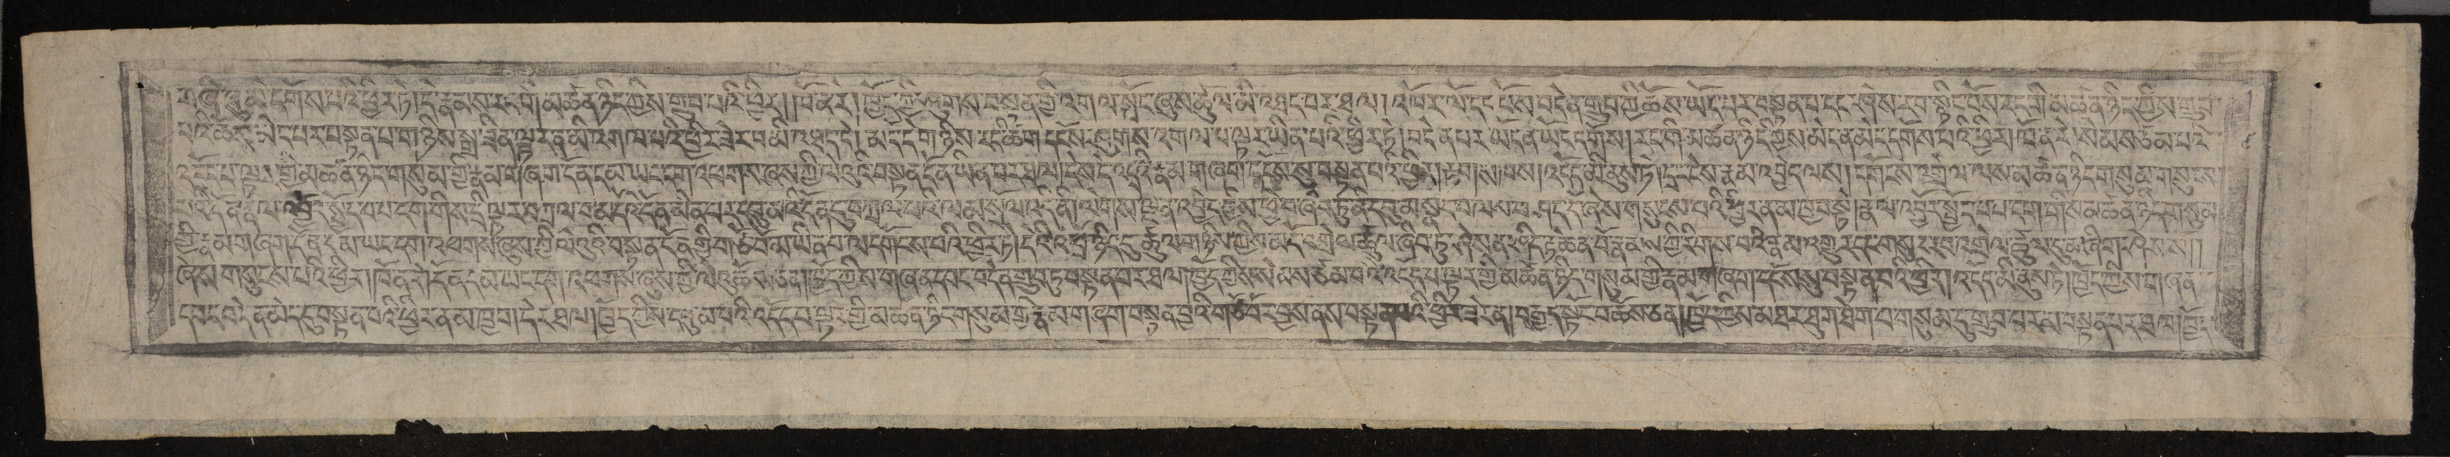གཞི་ཞུ་མི་དགོས་པའི་ཕྱིར་ཏེ། དེ་རྣམས་རང་གི་མཚན་ཉིད་ཀྱིས་གྲུབ་པའི་ཕྱིར། ཁོ་ན་རེ། ཁྱོད་ཀྱི་ཤུགས་བསྟན་གྱི་འགལ་སྤོང་ཞུས་མི་འཐད་པར་ཐལ། འཁོར་ལོ་དང་པོས་བདེན་གྲུབ་ཀྱི་ཆོས་ཡོད་པར་བསྟན་པ་དང་ཤས་རབ་སྙིང་པོས་རང་གི་མཚན་ཉིད་ཀྱིས་གྲུབ་
པའི་ཆོས་མེད་པར་བསྟན་པ་གཉིས་སྒྲ་ཟིན་ལྟར་ན་མི་འགལ་བའི་ཕྱིར་ཟེར་བ་མི་འཐད་དེ། མདོ་དེ་གཉིས་རང་ཚིག་དངོས་ཤུགས་འགལ་བ་ལྟར་ཡིན་པའི་ཕྱིར་ཏེ། བདེན་པར་ཡོད་ན་ཡོད་དགོས། རང་གི་མཚན་ཉིད་ཀྱིས་མེད་ན་མེད་དགོས་པའི་ཕྱིར། ཁོ་ན་རེ། སེམས་ཙམ་པའི་
འདོད་པ་ལྟར་གྱི་མཚན་ཉིད་གསུམ་གྱི་རྣམ་གཞག་དོན་དམ་ཡང་དག་འཕགས་ཞུས་ཀྱི་ལེའུའི་བསྟན་དོན་ཡིན་པར་ཐལ། དེས་དེ་འདྲའི་རྣམ་གཞག་དངོས་སུ་བསྟན་པའི་ཕྱིར། རྟགས་ཁས། འདོད་མི་ནུས་ཏེ། དྲང་ངེས་རྣམ་འབྱེད་ལས། དགོངས་འགྲེལ་ལས་མཚན་ཉིད་གསུམ་གསུངས་
པའི་དོན་རྣལ་འབྱོར་སྤྱོད་པ་པ་དག་གིས་ཇི་ལྟར་བཀྲལ་བ་མདོའི་དོན་མིན་པར་དབུ་མའི་དོན་དུ་བཀྲལ་བའི་ལམ་སྲོལ་འདི་ནི། ལེགས་ལྡན་འབྱེད་ཀྱིས་ཕྱེ་བ་ཞིབ་ཏུ་ནི་དབུ་མ་སྣང་བ་ལས་བཤད་དོ་ཞེས་གསུངས་པའི་ཕྱིར་ན་མ་ཁྱབ་སྟེ། རྣལ་འབྱོར་སྤྱོད་པ་པ་དག་གིས་མཚན་ཉིད་གསུམ་
གྱི་རྣམ་གཞག་དོན་དམ་ཡང་དག་འཕགས་ཞུས་ཀྱི་ལེའུའི་བསྟན་དོན་གྱི་གཙོ་བོ་མ་ཡིན་པ་ལ་དགོངས་པའི་ཕྱིར་ཏེ། དེའི་འཕྲོ་འགྲེལ་ཚུལ་དུ་མ་ཞིག་ཤེས་སོ། །རྟ་ཆེན་པོ་རྣམས་ཀྱི་རིགས་པའི་རྣམ་འགྱུར་དང་གསུང་རབ་འགྲེལ་ཚུལ་དུ་མ་ཞིག་ཤེས་སོ། །
ཞེས་གསུངས་པའི་ཕྱིར། ཁོ་ན་རེ། དོན་དམ་ཡང་དག་འཕགས་ཞུས་ཀྱི་ལེའུ་ཆོས་ཅན། ཁྱོད་ཀྱིས་གཞན་དབང་བདེན་གྲུབ་ཏུ་བསྟན་པར་ཐལ། ཁྱོད་ཀྱིས་སེམས་ཙམ་པའི་འདོད་པ་ལྟར་གྱི་མཚན་ཉིད་གསུམ་གྱི་རྣམ་གཞག་དངོས་སུ་བསྟན་པའི་ཕྱིར། འདོད་མི་ནུས་ཏེ། ཁྱོད་ཀྱིས་གཞན་
དབང་བདེན་མེད་དུ་བསྟན་པའི་ཕྱིར་ན་མ་ཁྱབ། དེར་ཐལ། ཁྱོད་ཀྱིས་དབུ་མ་པའི་འདོད་པ་ལྟར་གྱི་མཚན་ཉིད་གསུམ་གྱི་རྣམ་གཞག་བསྟན་བྱའི་གཙོ་བོར་བྱས་ནས་བསྟན་པའི་ཕྱིར་ཟེར་ན། བརྒྱད་སྟོང་པ་ཆོས་ཅན། ཁྱོད་ཀྱིས་མཐར་ཐུག་ཐེག་པ་གསུམ་དུ་གྲུབ་པར་མ་བསྟན་པར་ཐལ། ཁྱོད་